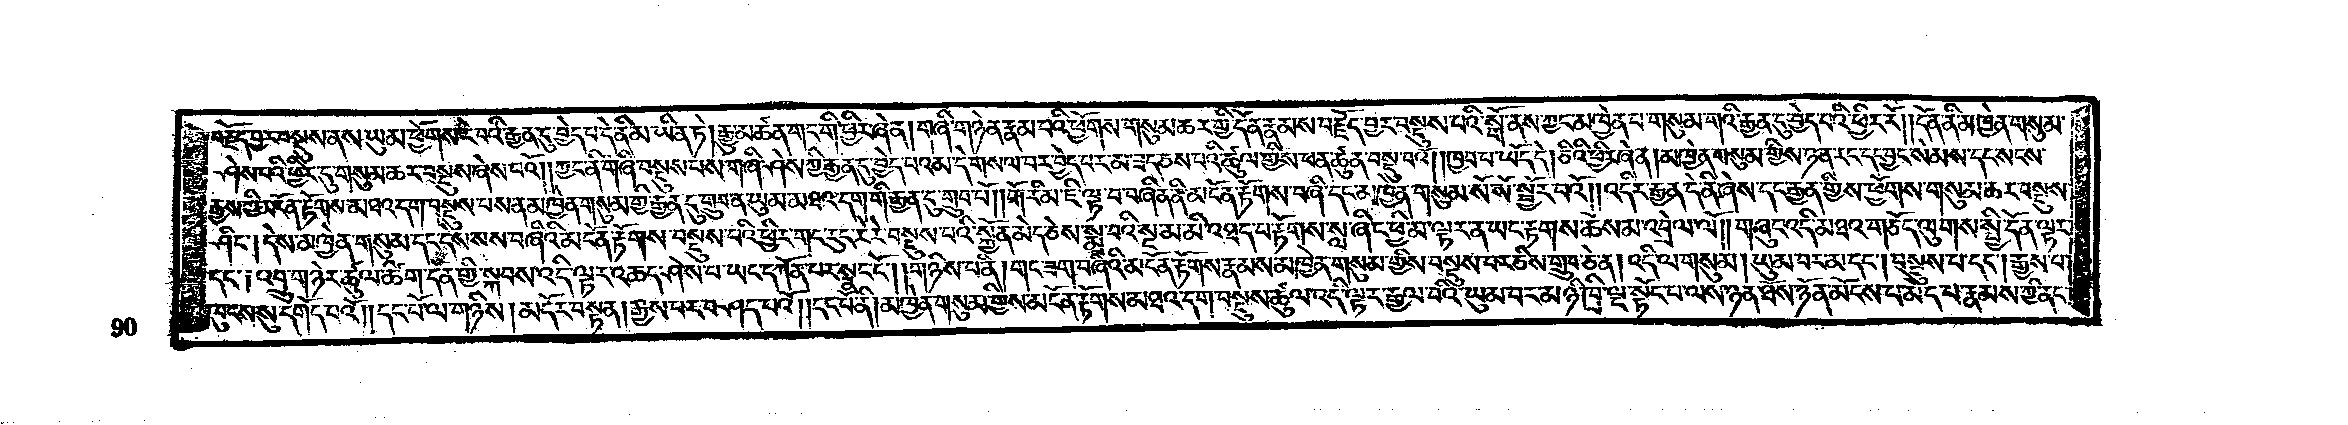བརྗོད་བྱར་བསྡུས་ནས་ཡུམ་ཕྱོགས་རེ་བའི་རྒྱན་དུ་བྱེད་པ་དེ་ནི་མ་ཡིན་ཏེ། རྒྱུ་མཚན་གང་གི་ཕྱིར་ཞེ་ན། གཞི་གཉེན་རྣམ་པའི་ཕྱོགས་གསུམ་ཆར་གྱི་དོན་རྣམས་བརྗོད་བྱར་བསྡུས་པའི་སྒོ་ནས་ཀྱང་མཁྱེན་པ་གསུམ་གའི་རྒྱན་དུ་བྱེད་པའི་ཕྱིར་རོ། །དོན་ནི་མཁྱེན་གསུམ་
ཤེས་པའི་ཕྱིར་དུ་གསུམ་ཆར་བསྡུས་ཞེས་པའོ། །ཀྱང་ནི་གཞི་བསྡུས་པས་གཞི་ཤེས་ཀྱི་རྒྱན་དུ་བྱེད་པའམ་དེ་གསལ་བར་བྱེད་པར་མ་ཟད་ཅས་པའི་ཚུལ་གྱིས་ཕན་ཚུན་བསྡུ་བའོ། །ཁྱབ་པ་ཡོད་དེ། ཅིའི་ཕྱིར་ཞེ་ན། མཁྱེན་གསུམ་གྱིས་ཉན་རང་དང་བྱང་སེམས་དང་སངས་
རྒྱས་ཀྱི་མངོན་རྟོགས་མཐའ་དག་བསྡུས་པས་ན་མཁྱེན་གསུམ་གྱི་རྒྱན་དུ་གྲུབ་ན་ཡུམ་མཐའ་དག་གི་རྒྱན་དུ་གྲུབ་པོ། །གོ་རིམ་ཇི་ལྟ་བ་བཞིན་ནི་མངོན་རྟོགས་བཞི་དང་མཁྱེན་གསུམ་སོ་སོ་སྦྱོར་བའོ། །འདིར་རྒྱན་དེ་ནི་ཞེས་དང་རྒྱན་གྱིས་ཕྱོགས་གསུམ་ཆར་བསྡུས་
ཤིང་། དེས་མཁྱེན་གསུམ་དང་དེས་སྲས་བཞིའི་མངོན་རྟོགས་བསྡུས་པའི་ཕྱིར་གང་རུང་རེ་རེ་བསྡུས་པའི་སྐྱོན་མེད་ཅེས་སྨྲ་བའི་སྔ་མ་མི་འཐད་པ་རྟོགས་སླ་ཞིང་ཕྱི་མ་ལྟར་ན་ཡང་རྟགས་ཆོས་མ་འབྲེལ་ལོ། །གཞུང་འདི་མཐའ་གཅོད་ལུགས་སྤྱི་དོན་ལྟར་
དང་། འབྲུ་གཉེར་ཚུལ་ཚིག་དོན་གྱི་སྐབས་འདི་ལྟར་འཆད་ཤེས་པ་ཡང་དཀོན་པར་?་སྣང་ངོ། །གཉིས་པ་ནི། གང་ཟག་བཞིའི་མངོན་རྟོགས་རྣམས་མཁྱེན་གསུམ་གྱིས་བསྡུས་པར་ཅིས་གྲུབ་ཅེ་ན། འདི་ལ་གསུམ། ཡུམ་བར་མ་དང་། བསྡུས་པ་དང་། རྒྱས་པ་
ཁུངས་སུ་དགོད་པའོ། །དང་པོ་ལ་གཉིས། མདོར་བསྟན། རྒྱས་པར་བཤད་པའོ། །དང་པོ་ནི། མཁྱེན་གསུམ་གྱིས་མངོན་རྟོགས་མཐའ་དག་བསྡུས་ཚུལ་འདི་ལྟར་རྒྱལ་བའི་ཡུམ་བར་མ་ཉི་ཁྲི་ལྔ་སྟོང་པ་ལས་ཉན་ཐོས་ཉོན་མོངས་པ་མེད་པ་རྣམས་ཀྱི་ནང་